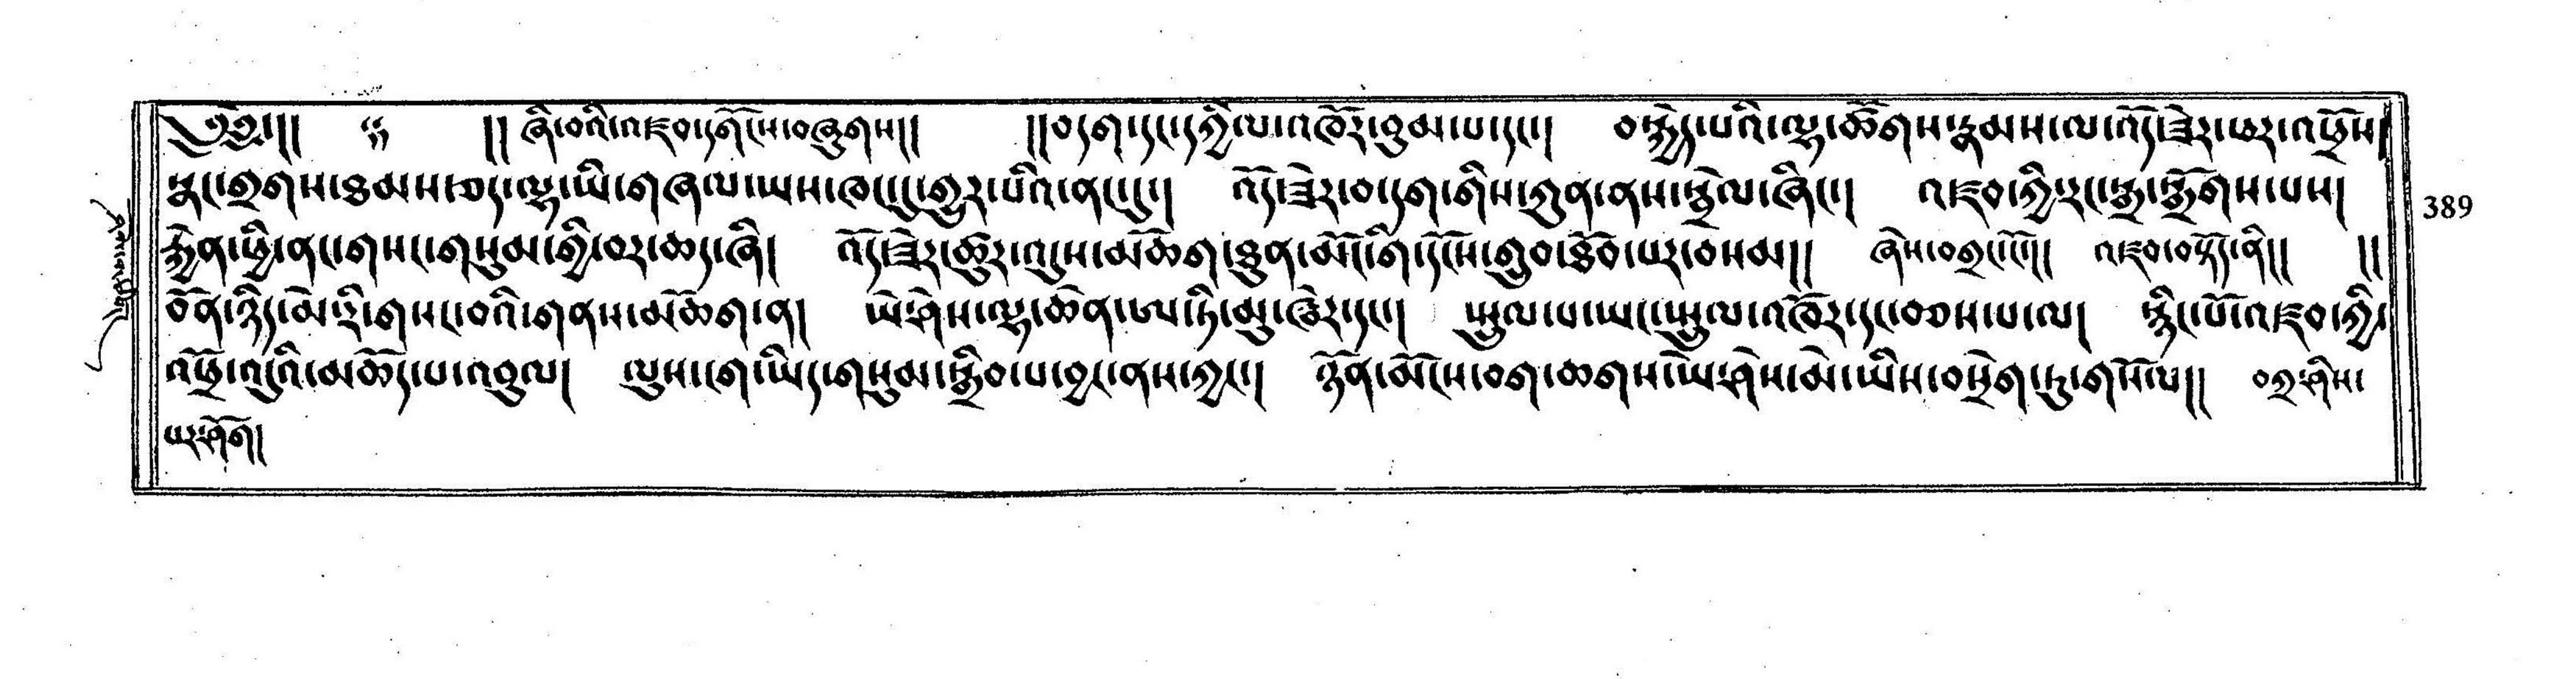༄༅།། །།ཞི་བའི་འཛབ་དགོངས་བཞུགས།། །བདག་དང་དཀྱིལ་འཁོར་བུམ་པ་དང་། བསྐྱེད་པའི་ལྷ་ཚོགས་རྣམས་ལ་འོད་ཟེར་ཕར་འཕྲོས། 
སྣང་གྲགས་ཐམས་ཅད་ལྷ་ཡི་གཞལ་ཡས་ཁང་དུ་གྱུར་པའི་ནང་དུ། འོད་ཟེར་བ་དག་གིས་ཀུན་ནས་སྦྲེལ་ཞིང་། འཛབ་ཀྱི་རང་སྒྲ་སྒྲོགས་པས། 
རྐྱེན་ཕྱི་ནང་གསང་གསུམ་གྱི་བར་ཆད་ཞི། འོད་ཟེར་ཚུར་འདུས་མཆོག་ཐུན་མོང་གི་དངོས་གྲུབ་ཐོབ་པར་བསམ།། ཞེས་བགྲང་ངོ་།། འཛབ་བསྟོད་ནི།། །།
བོན་ཉིད་མེ་རི་གསང་བའི་གནས་མཆོག་ན། ཡེ་ཤེས་ལྷ་ཆེན་ཨ་ཏི་མུ་ཝེར་དང་། སྤྲུལ་པ་ཡང་སྤྲུལ་འཁོར་དང་བཅས་པ་ལ། སྙིང་པོ་འཛབ་ཀྱི་
འཕྲོ་འདུའི་མཆོད་པ་འབུལ། ལུས་ངག་ཡིད་གསུམ་སྒྲིབ་པ་བྱང་ནས་ཀྱང་། ཉོན་མོངས་བག་ཆགས་ཡེ་ཤེས་མེ་ཡིས་བསྲེག་ཏུ་གསོལ།། བཀྲ་ཤིས་པར་ཤོག